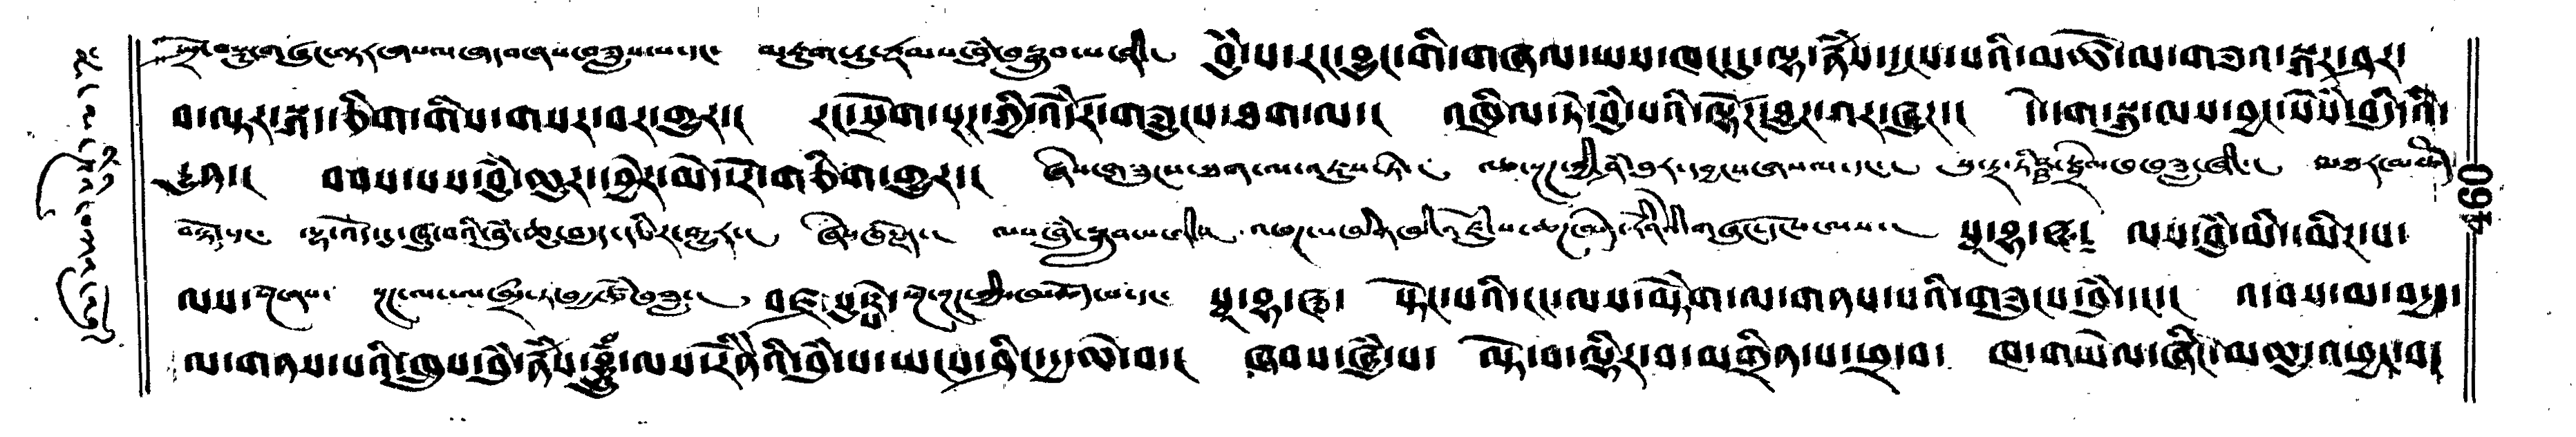སྤྲོ་བསྡུ་གཞུང་ལྟར་གསལ་གདབ་ནས་བཟླས་པ་དང་། མཇུག་ཏུ་རྣམ་བུམ་བསྒྲུབ་པ་ནི། བུམ་པ་རང་བྱུང་གི་གཞལ་ཡས་ཁང་དུ་ལྷ་རྣམས་དྭངས་པའི་མཚོ་ལ་གཟའ་སྐར་ཤར་
བ་ལྟར་སྐད་ཅིག་གིས་གསལ་བར་གྱུར། རང་སྲོག་སྔགས་ཀྱི་འོད་ཟེར་གཟུངས་ཐག་ལ། །འཁྲིལ་ཏེ་བུམ་པའི་ལྷ་ཚོགས་ཐུགས་ཀར་ཞུགས། །དེ་དག་སྐུ་ལས་བྱང་སེམས་བདུད་རྩིའི་
རྒྱུན། །བབས་པས་བུམ་ཆུར་དབྱེར་མེད་རོ་གཅིག་གྱུར། ཞེས་གཟུངས་ཐག་ལ་འཇུས་ཏེ། རྩ་སྔགས་ཀྱི་ཤམ་བུར་དབྱངས་གསལ་དང་། སུ་པྲ་ཏིཥྛ་སྦྲེལ་བ་བཟླ་ཞིང་། མཐར་མཆོད་
བསྟོད་དང་། ལྷ་འོད་དུ་ཞུ་བས་བུམ་ཆུ་བདུད་རྩིར་གྱུར། ཞེས་བརྗོད། ལས་བུམ་སྒྲུབ་པ་ནི། འཕགས་པ་མིག་མི་འཛུམ་པ་ཆགས་མེད་རིན་པོ་ཆེའི་གཞུང་དངོས་ལས། སྭ་བྷ་ཝ༴ ལས་བུམ་མི་དམིགས་པ་
ལས་སོགས་ནས། སྔགས་ལ་ཨ་མྲྀ་ཏ་བརྒྱ་ཙམ་བཟླ། བཛྲ་པུཥྤེ་སོགས་ཀྱིས་མཆོད་པ་དང་། སྭ་བྷ་ཝ༴ སྟོང་པའི་ངང་ལས་མེ་ཏོག་ལ་གནས་པའི་གཟུངས་བུམ་དང་། འདབ་མ་བརྒྱད་
ལ་གནས་པའི་ཁྲུས་བུམ་རྣམས་བྷྲཱུྃ་ལས་རིན་པོ་ཆེའི་བུམ་པ་ཡངས་ཤིང་རྒྱ་ཆེ་བ། ཞབས་ཞུམ་པ། ལྟོ་བ་ལྡིར་བ། མགྲིན་པ་ཕྲ་བ། ཁ་གཡེལ་ཞིང་མཆུ་འཕྱང་བ།